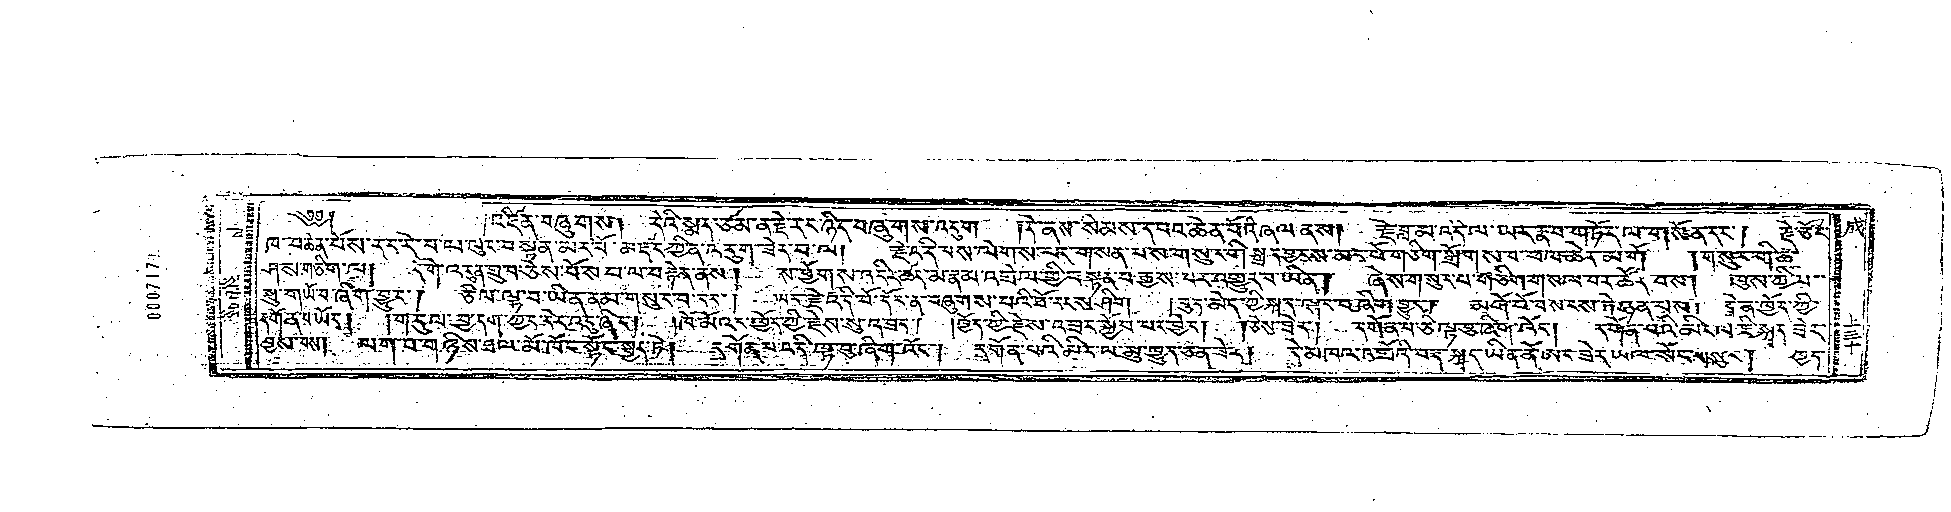༄༅། །འཛིན་བཞུགས། དེའི་སྨད་ཙམ་ན་རྗེ་རང་ཉིད་བཞུགས་འདུག །དེ་ནས་སེམས་དཔའ་ཆེན་པོའི་ཞལ་ནས། རྗེ་བླ་མ་འདི་ལ་ཡང་རྣ་བ་གཏོད་ལ་གསོན་དང་། རྗེ་ཙོང་
ཁ་པ་ཆེན་པོས་རང་དེ་པ་ལ་ལུང་བསྟན་མང་པོ་མཛད་ཀྱིན་འདུག་ཟེར་བ་ལ། རྗེ་འདི་པས་ལེགས་པར་གསན་པས་གསུང་གི་སྒྲ་དབྱངས་མང་པོ་གཅིག་སྒྲོགས་པ་ཕལ་ཆེར་མགོ །གསུང་གི་ཆ་
ཤས་གཅིག་ལ། དགེ་འདུན་གྲུབ་ཅེས་བོས་པ་ལ་བརྟེན་ནས། ས་ཕྱོགས་འདིར་ཚད་མ་རྣམ་འགྲེལ་གྱི་བསྟན་པ་རྒྱས་པར་འགྱུར་པ་ཡིན། ཞེས་གསུང་པ་གཅིག་གསལ་བར་ཚོར་བས། ཁུས་ཀྱི་པ་
སྤུ་གཡོ་བ་ཞིག་བྱུང་། ཅི་ལ་ལྟ་བ་ཡིན་ནམ་གསུང་བ་དང་། ཡང་རྗེ་འདི་བོ་དོང་ན་བཞུགས་པའི་ཐོ་རངས་ཤིག །བུད་མེད་ཀྱི་སྐད་ལྷང་བ་ཞིག་བྱུང་། མགོ་བོ་བསངས་ཏེ་ཉན་པས། དེ་ན་ཁྱོད་ཀྱི་
དགོན་པ་ཡོད། །གདུལ་བྱ་དག་ཀྱང་དེར་འདུ་ཞིང་། །ཁོ་མོའང་ཁྱོད་ཀྱི་རྗེས་སུ་འབྲད། །ཁྱོད་ཀྱི་རྗེས་འབྲང་སྐྱོབ་པར་བྱེད། །ཅེས་ཟེར། དགོན་པ་ཅི་ལྟ་བུ་ཞིག་འོང་། དགོན་པའི་མིང་ལ་ཇི་སྐད་ཟེར་
བྱས་པས། ལག་པ་གཉིས་ཐལ་མོ་ཁོད་སྟོང་སྦྱར་ཏེ། དགོན་པ་འདི་ལྟ་བུ་ཞིག་འོང་། དགོན་པའི་མིང་ལ་མུ་ཁྱུད་ཅན་ཟེར། དེ་མཁའ་འགྲོའི་བརྡ་སྐད་ཡིན་ནོ་ཨང་ཟེར་ཡལ་སོང་གསུང་། ཁྱད་